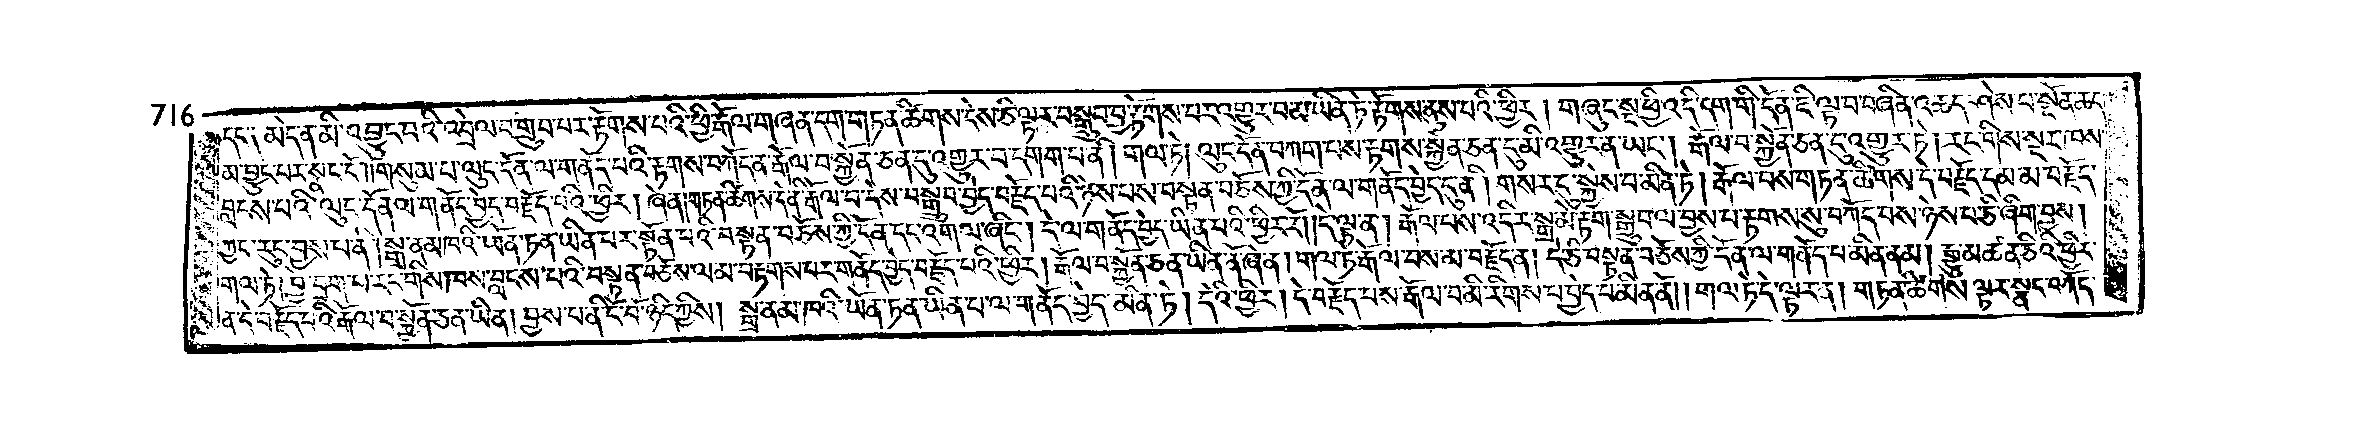དང་། མེད་ན་མི་འབྱུང་བའི་འབྲེལ་བ་གྲུབ་པར་རྟོགས་པའི་ཕྱིར་རྒོལ་གཞན་དག་གཏན་ཚིགས་ངེས་ཅི་ལྟར་བསྒྲུབ་བྱ་རྟོགས་པར་འགྱུར་བ་མ་ཡིན་ཏེ་རྟོགས་ནུས་པའི་ཕྱིར། གཞུང་སྔ་ཕྱི་འདི་དག་གི་དོན་ཇི་ལྟ་བ་བཞིན་འཆད་ཤེས་པ་སྔོན་ཆད་
མ་བྱུང་པར་སྣང་ངོ། །གསུམ་པ་ལུང་དོན་ལ་གནོད་པའི་རྟགས་བཀོད་ན་རྒོལ་བ་སྐྱོན་ཅན་དུ་འགྱུར་བ་དགག་པ་ནི། གལ་ཏེ། ལུང་དོན་བཀག་པས་རྟགས་སྐྱོན་ཅན་དུ་མི་འགྱུར་ན་ཡང་། རྒོལ་བ་སྐྱོན་ཅན་དུ་འགྱུར་ཏེ། རང་གིས་སྔར་ཁས་
བླངས་པའི་ལུང་དོན་ལ་གནོད་བྱེད་བརྗོད་པའི་ཕྱིར། ཞེ་ན། གཏན་ཚིགས་དེ་ནི་རྒོལ་བ་དེས་བསྒྲུབ་བྱེད་བརྗོད་པའི་ཉེས་པས་བསྟན་བཅོས་ཀྱི་དོན་ལ་གནོད་བྱེད་དུ་ནི། གསར་དུ་སྐྱེས་པ་མིན་ཏེ། རྒོལ་བས་གཏན་ཚིགས་དེ་བརྗོད་དམ་མ་བརྗོད་
ཀྱང་རུང་བྱས་པ་ནི། སྒྲ་ནམ་མཁའི་ཡོན་ཏན་ཡིན་པར་སྟོན་པའི་བསྟན་བཅོས་ཀྱི་དོན་དང་འགལ་ཞིང་། དེ་ལ་གནོད་བྱེད་ཡིན་པའི་ཕྱིར་རོ། །དེ་ལྟ་ན། རྒོལ་བས་འདིར་སྒྲ་མི་རྟག་སྒྲུབ་ལ་བྱས་པ་རྟགས་སུ་བཀོད་པས་ཉེས་པ་ཅི་ཞིག་བྱས།
གལ་ཏེ། བྱེ་བྲག་པ་རང་གིས་ཁས་བླངས་པའི་བསྟན་བཅོས་ལ་མ་བརྟགས་པར་གནོད་བྱེད་བརྗོད་པའི་ཕྱིར། རྒོལ་བ་སྐྱོན་ཅེན་ཡིན་ནོ་ཞེ་ན། གལ་ཏེ་རྒོལ་བས་མ་བརྗོད་ན། དེ་ཅི་བསྟན་བཅོས་ཀྱི་དོན་ལ་གནོད་པ་མིན་ནམ། རྒྱུ་མཚན་ཅིའི་ཕྱིར་
ན་དེ་བརྗོད་པའི་རྒོལ་བ་སྐྱོན་ཅན་ཡིན། བྱས་པ་ནི་ངོ་བོ་ཉིད་ཀྱིས། སྒྲ་ནམ་མཁའི་ཡོན་ཏན་ཡིན་པ་ལ་གནོད་བྱེད་མིན་ཏེ། དེའི་ཕྱིར། དེ་བརྗོད་པས་རྒོལ་བ་མི་རིགས་པ་བྱེད་པ་མིན་ནོ། །གལ་ཏེ་དེ་ལྟར་ན། གཏན་ཚིགས་ལྟར་སྣང་བཀོད་